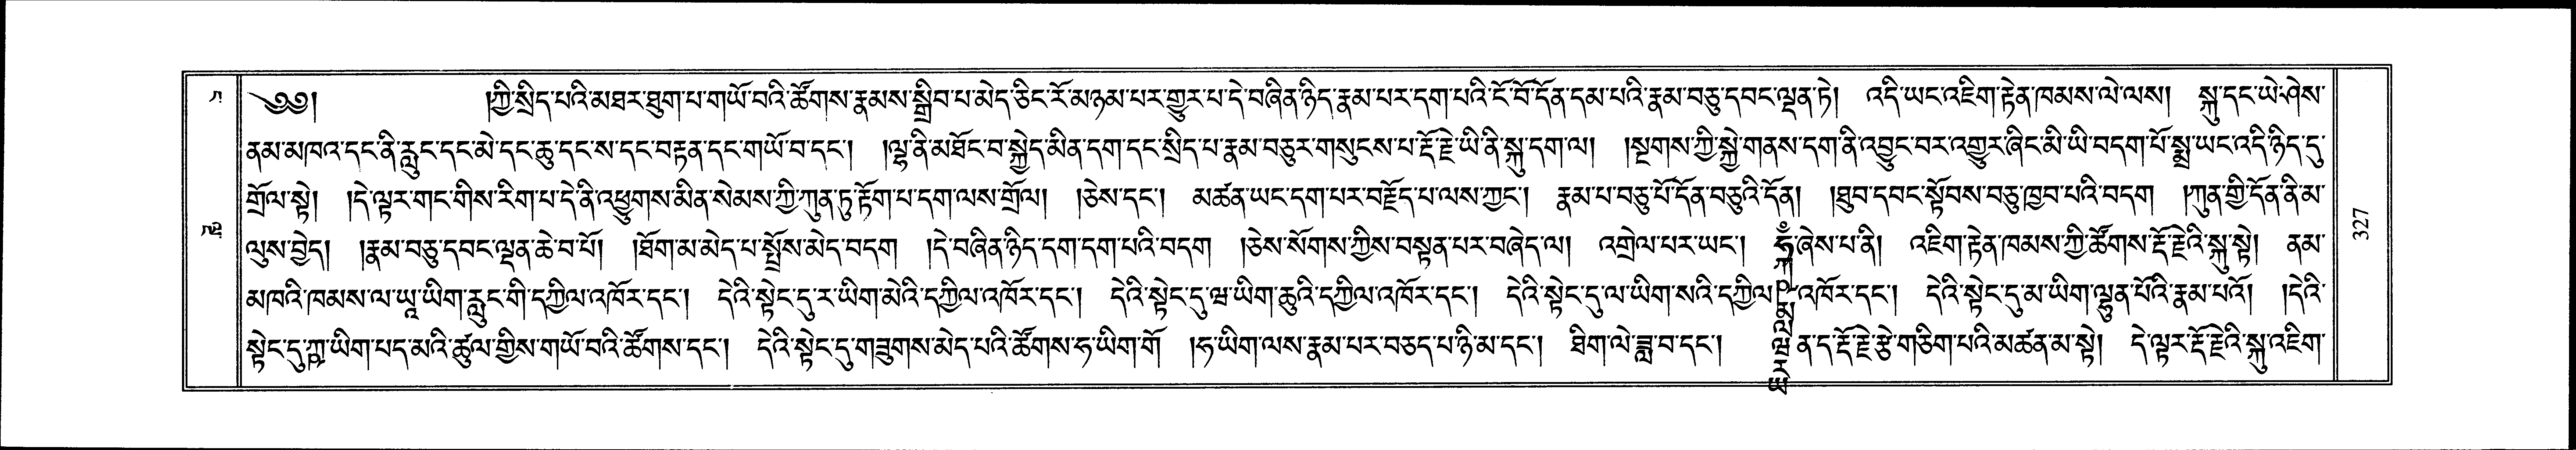༄༅། །ཀྱི་སྲིད་པའི་མཐར་ཐུག་པ་གཡོ་བའི་ཚོགས་རྣམས་སྒྲིབ་པ་མེད་ཅིང་རོ་མཉམ་པར་གྱུར་པ་དེ་བཞིན་ཉིད་རྣམ་པར་དག་པའི་ངོ་བོ་དོན་དམ་པའི་རྣམ་བཅུ་དབང་ལྡན་ཏེ། འདི་ཡང་འཇིག་རྟེན་ཁམས་ལེ་ལས། སྐུ་དང་ཡེ་ཤེས་
ནམ་མཁའ་དང་ནི་རླུང་དང་མེ་དང་ཆུ་དང་ས་དང་བརྟན་དང་གཡོ་བ་དང་། །ལྷ་ནི་མཐོང་བ་སྐྱེད་མིན་དག་དང་སྲིད་པ་རྣམ་བཅུར་གསུངས་པ་རྡོ་རྗེ་ཡི་ནི་སྐུ་དག་ལ། །སྔགས་ཀྱི་སྐྱེ་གནས་དག་ནི་འབྱུང་བར་འགྱུར་ཞིང་མི་ཡི་བདག་པོ་སྨྲ་ཡང་འདི་ཉིད་དུ་
གྲོལ་སྟེ། །དེ་ལྟར་གང་གིས་རིག་པ་དེ་ནི་འཕྱུགས་མིན་སེམས་ཀྱི་ཀུན་ཏུ་རྟོག་པ་དག་ལས་གྲོལ། །ཅེས་དང་། མཚན་ཡང་དག་པར་བརྗོད་པ་ལས་ཀྱང་། རྣམ་པ་བཅུ་པོ་དོན་བཅུའི་དོན། །ཐུབ་དབང་སྟོབས་བཅུ་ཁྱབ་པའི་བདག །ཀུན་གྱི་དོན་ནི་མ་
ལུས་བྱེད། །རྣམ་བཅུ་དབང་ལྡན་ཆེ་བ་པོ། །ཐོག་མ་མེད་པ་སྤྲོས་མེད་བདག །དེ་བཞིན་ཉིད་དག་དག་པའི་བདག །ཅེས་སོགས་ཀྱིས་བསྟན་པར་བཞེད་ལ། འགྲེལ་པར་ཡང་། ཧཀྵྨླྭྲྱཾ་ཞེས་པ་ནི། འཇིག་རྟེན་ཁམས་ཀྱི་ཚོགས་རྡོ་རྗེའི་སྐུ་སྟེ། ནམ་
མཁའི་ཁམས་ལ་ཡཱ་ཡིག་རླུང་གི་དཀྱིལ་འཁོར་དང་། དེའི་སྟེང་དུ་ར་ཡིག་མེའི་དཀྱིལ་འཁོར་དང་། དེའི་སྟེང་དུ་ཝ་ཡིག་ཆུའི་དཀྱིལ་འཁོར་དང་། དེའི་སྟེང་དུ་ལ་ཡིག་སའི་དཀྱིལ་འཁོར་དང་། དེའི་སྟེང་དུ་མ་ཡིག་ལྷུན་པོའི་རྣམ་པའོ། །དེའི་
སྟེང་དུ་ཀྵ་ཡིག་པད་མའི་ཚུལ་གྱིས་གཡོ་བའི་ཚོགས་དང་། དེའི་སྟེང་དུ་གཟུགས་མེད་པའི་ཚོགས་ཧ་ཡིག་གོ །ཧ་ཡིག་ལས་རྣམ་པར་བཅད་པ་ཉི་མ་དང་། ཐིག་ལེ་ཟླ་བ་དང་། ན་ད་རྡོ་རྗེ་རྩེ་གཅིག་པའི་མཚན་མ་སྟེ། དེ་ལྟར་རྡོ་རྗེའི་སྐུ་འཇིག་